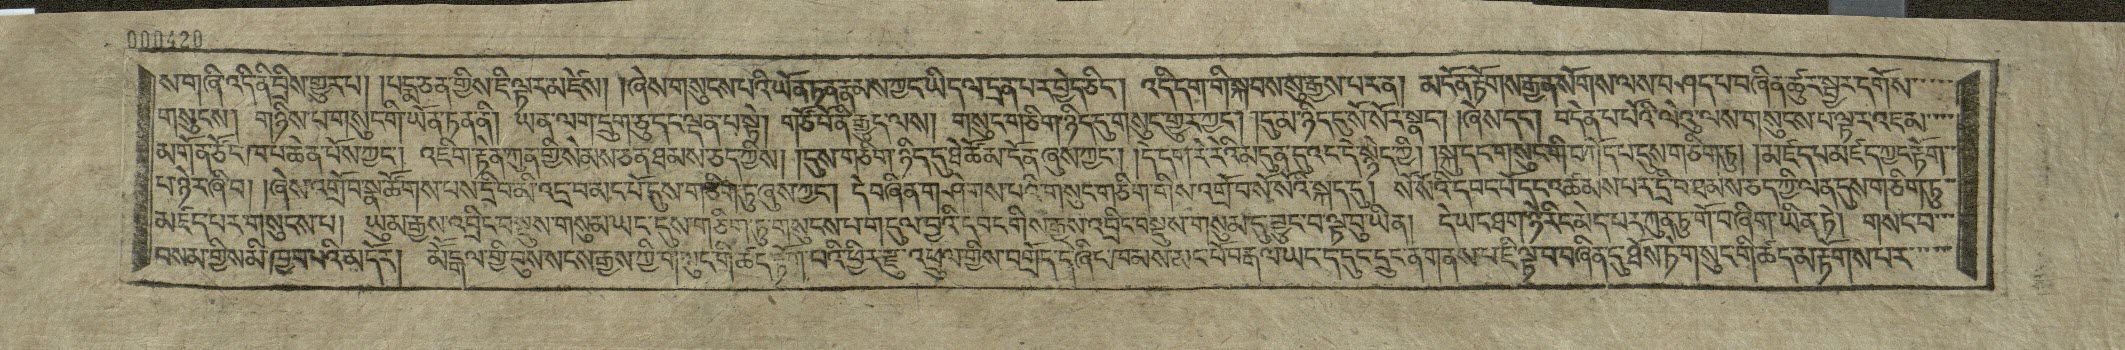ས་གཞི་འདི་ནི་བྲིས་གྱུར་པ། །པདམ་ཅན་གྱིས་ཇི་ལྟར་མཛེས། །ཞེས་གསུངས་པའི་ཡོན་ཏན་རྣམས་ཀྱང་ཡིད་ལ་དྲན་པར་བྱེད་ཅིང་། འདི་དག་གི་སྐབས་སུ་རྒྱས་པར་ན། མངོན་རྟོགས་རྒྱན་སོགས་ལས་བཤད་པ་བཞིན་ཚུར་སྦྱར་དགོས་
གསུངས། གཉིས་པ་གསུང་གི་ཡོན་ཏན་ནི། ཡན་ལག་དྲུག་ཅུ་དང་ལྡན་པ་སྟེ། གཙོ་བོ་ནི་རྒྱུད་ལས། གསུང་གཅིག་ཉིད་དུ་གསུང་གྱུར་ཀྱང་། །དུ་མ་ཉིད་དུ་སོ་སོར་སྣང་། །ཞེས་དང་། བདེན་པ་པོའི་ལེའུ་ལས་གསུངས་པ་ལྟར་འཇམ་
མགོན་ཙོང་ཁ་པ་ཆེན་པོས་ཀྱང་། འཇིག་རྟེན་ཀུན་གྱི་སེམས་ཅན་ཐམས་ཅད་ཀྱིས། །དུས་གཅིག་ཉིད་དུ་ཐེ་ཚོམ་དོན་ཞུས་ཀྱང་། །དེ་དག་རེ་རེའི་མདུན་དུ་འང་དེ་སྙེད་ཀྱི། །སྐུ་དང་གསུང་གི་བཀོད་པ་དུས་གཅིག་ཏུ། །མཛད་པ་མཛད་ཀྱང་རྟོག་
པ་ཉེར་ཞི་བ། །ཞེས་འགྲོ་བ་སྣ་ཚོགས་པས་དྲི་བ་མི་འདྲ་བ་མང་པོ་དུས་གཅིག་ཏུ་ཞུས་ཀྱང་། དེ་བཞིན་གཤེགས་པའི་གསུང་གཅིག་གིས་འགྲོ་བ་སོ་སོའི་སྐད་དུ། སོ་སོའི་དབང་པོ་དང་འཚམས་པར་དྲི་བ་ཐམས་ཅད་ཀྱི་ལན་དུས་གཅིག་ཏུ་
མཛད་པར་གསུངས་པ། ཡུམ་རྒྱས་འབྲིང་བསྡུས་གསུམ་ཡང་དུས་གཅིག་ཏུ་གསུངས་པ་གདུལ་བྱའི་དབང་གིས་རྒྱས་འབྲིང་བསྡུས་གསུམ་དུ་བྱུང་བ་ལྟ་བུ་ཡིན། དེ་ཡང་ཐག་ཉེ་རིང་མེད་པར་ཀུན་ཏུ་གོ་བ་ཞིག་ཡིན་ཏེ། གསང་བ་
བསམ་གྱིས་མི་ཁྱབ་པའི་མདོར། མཽངྒལ་གྱི་བུས་སངས་རྒྱས་ཀྱི་གསུང་གི་ཚད་རྟོག་པའི་ཕྱིར་རྫུ་འཕྲུལ་གྱིས་བགྲོད་དེ་ཞིང་ཁམས་མང་པོ་བརྒལ་ཡང་ད་དུང་དྲུང་ན་གནས་པ་ཇི་ལྟ་བ་བཞིན་དུ་ཐོས་ཏེ་གསུང་གི་ཚད་མ་རྟོགས་པར་